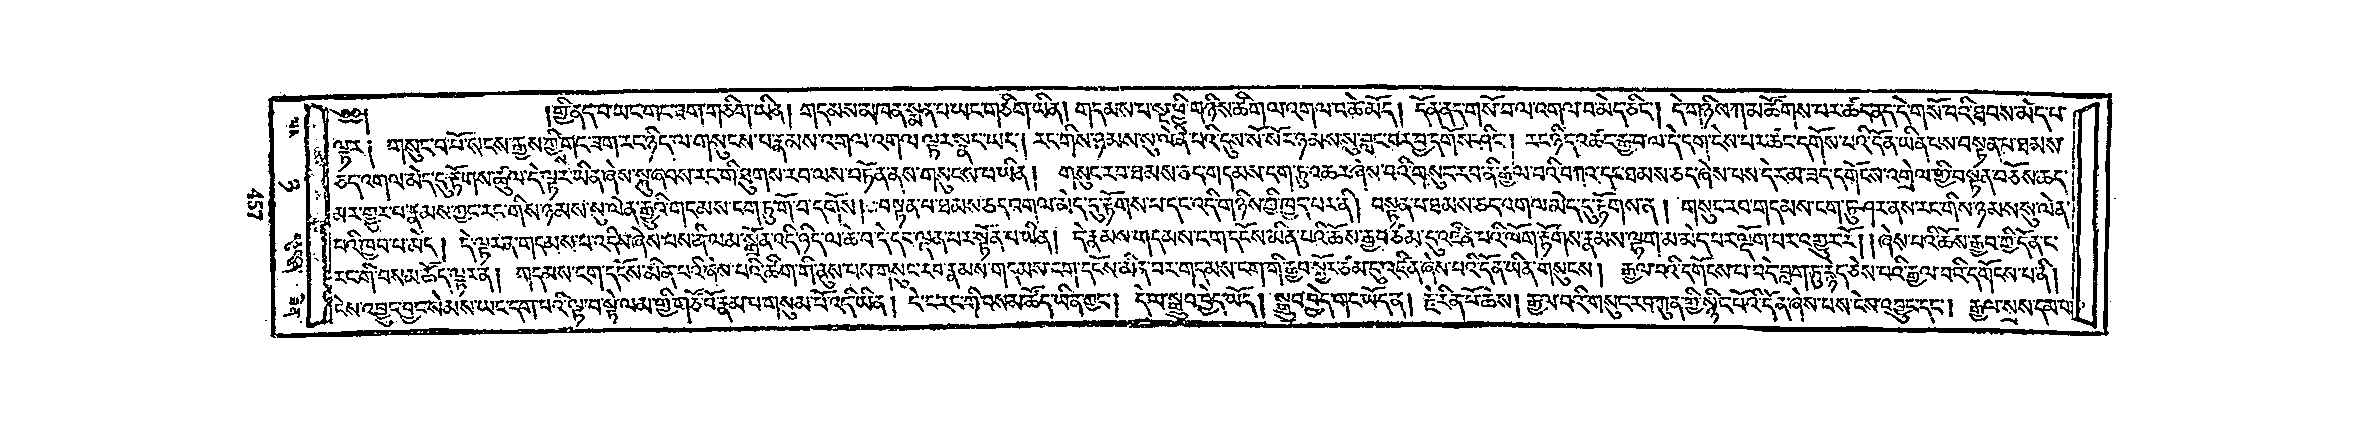༄༅། །གྱི་ནད་པ་ཡང་གང་ཟག་གཅིག་ཡིན། གདམས་མཁན་སྨན་པ་ཡང་གཅིག་ཡིན། གདམས་པ་སྔ་ཕྱི་གཉིས་ཚིག་ལ་འགལ་བ་ཆེ་མོད། དོན་ནད་གསོ་བ་ལ་འགལ་བ་མེད་ཅིང་། དེ་གཉིས་ཀ་མ་ཚོགས་པར་ཚད་ནད་དེ་གསོ་བའི་ཐབས་མེད་པ་
ལྟར། གསུང་པ་པོ་སངས་རྒྱས་ཀྱིས་གང་ཟག་རང་ཉིད་ལ་གསུངས་པ་རྣམས་འགལ་འགལ་ལྟར་སྣང་ཡང་། རང་གིས་ཉམས་སུ་ལེན་པའི་དུས་སོ་སོར་ཉམས་སུ་བླང་བར་བྱ་དགོས་ཤིང་། རང་ཉིད་འཚང་རྒྱ་བ་ལ་དེ་དག་ངེས་པར་ཚང་དགོས་པའི་དོན་ཡིན་པས་བསྟན་པ་ཐམས་
ཅད་འགལ་མེད་དུ་རྟོགས་ཚུལ་དེ་ལྟར་ཡིན་ཞེས་སྐུ་ཞབས་རང་གི་ཐུགས་རབ་ལས་བཏོན་ནས་གསུངས་པ་ཡིན། གསུང་རབ་ཐམས་ཅད་གདམས་ངག་ཏུ་འཆར་ཞེས་པའི་གསུང་རབ་ནི་རྒྱལ་བའི་བཀའ་དང་ཐམས་ཅད་ཞེས་པས་དེར་མ་ཟད་དགོངས་འགྲེལ་གྱི་བསྟན་བཅོས་ཆད་
མར་གྱུར་པ་རྣམས་ཀྱང་རང་གིས་ཉམས་སུ་ལེན་རྒྱུའི་གདམས་ངག་ཏུ་གོ་བ་དགོས། བསྟན་པ་ཐམས་ཅད་འགལ་མེད་དུ་རྟོགས་པ་དང་འདི་གཉིས་ཀྱི་ཁྱད་པར་ནི། བསྟན་པ་ཐམས་ཅད་འགལ་མེད་དུ་རྟོགས་ན། གསུང་རབ་གདམས་ངག་ཏུ་ཤར་ནས་རང་གིས་ཉམས་སུ་ལེན་
པའི་ཁྱབ་པ་མེད། དེ་ལྟར་ན་གདམས་པ་འདིས་ཞེས་པས་ནི་ལམ་སྒྲོན་འདི་ཉིད་ལ་ཆེ་བ་དེ་དང་ལྡན་པར་སྟོན་པ་ཡིན། དེ་རྣམས་གདམས་ངག་དངོས་མིན་པའི་ཆོས་རྒྱབ་ཙམ་དུ་འཛིན་པའི་ལོག་རྟོགས་རྣམས་ལྷག་མ་མེད་པར་ལྡོག་པར་འགྱུར་རོ། །ཞེས་པའི་ཆོས་རྒྱབ་ཀྱི་དོན་ང་
རང་གི་བསམ་ཚོད་ལྟར་ན། གདམས་ངག་དངོས་མིན་པའི་ཞེས་པའི་ཚིག་གི་ནུས་པས་གསུང་རབ་རྣམས་གདམས་ངག་དངོས་མིན་པར་གདམས་ངག་གི་རྒྱབ་སྐྱོར་ཙམ་དུ་འཛིན་ཞེས་པའི་དོན་ཡིན་གསུངས། རྒྱལ་བའི་དགོངས་པ་བདེ་བླག་ཏུ་རྙེད་ཅེས་པའི་རྒྱལ་བའི་དགོངས་པ་ནི།
ངེས་འབྱུང་བྱང་སེམས་ཡང་དག་པའི་ལྟ་བ་སྟེ་ལམ་གྱི་གཙོ་བོ་རྣམ་པ་གསུམ་པོ་འདི་ཡིན། དེ་ང་རང་གི་བསམ་ཚོད་ཡིན་ཀྱང་། དེ་ལ་སྒྲུབ་བྱེད་ཡོད། སྒྲུབ་བྱེད་གང་ཡོད་ན། རྗེ་རིན་པོ་ཆེས། རྒྱལ་བའི་གསུང་རབ་ཀུན་གྱི་སྙིང་པོའི་དོན་ཞེས་པས་ངེས་འབྱུང་དང་། རྒྱལ་སྲས་དམ་པ་